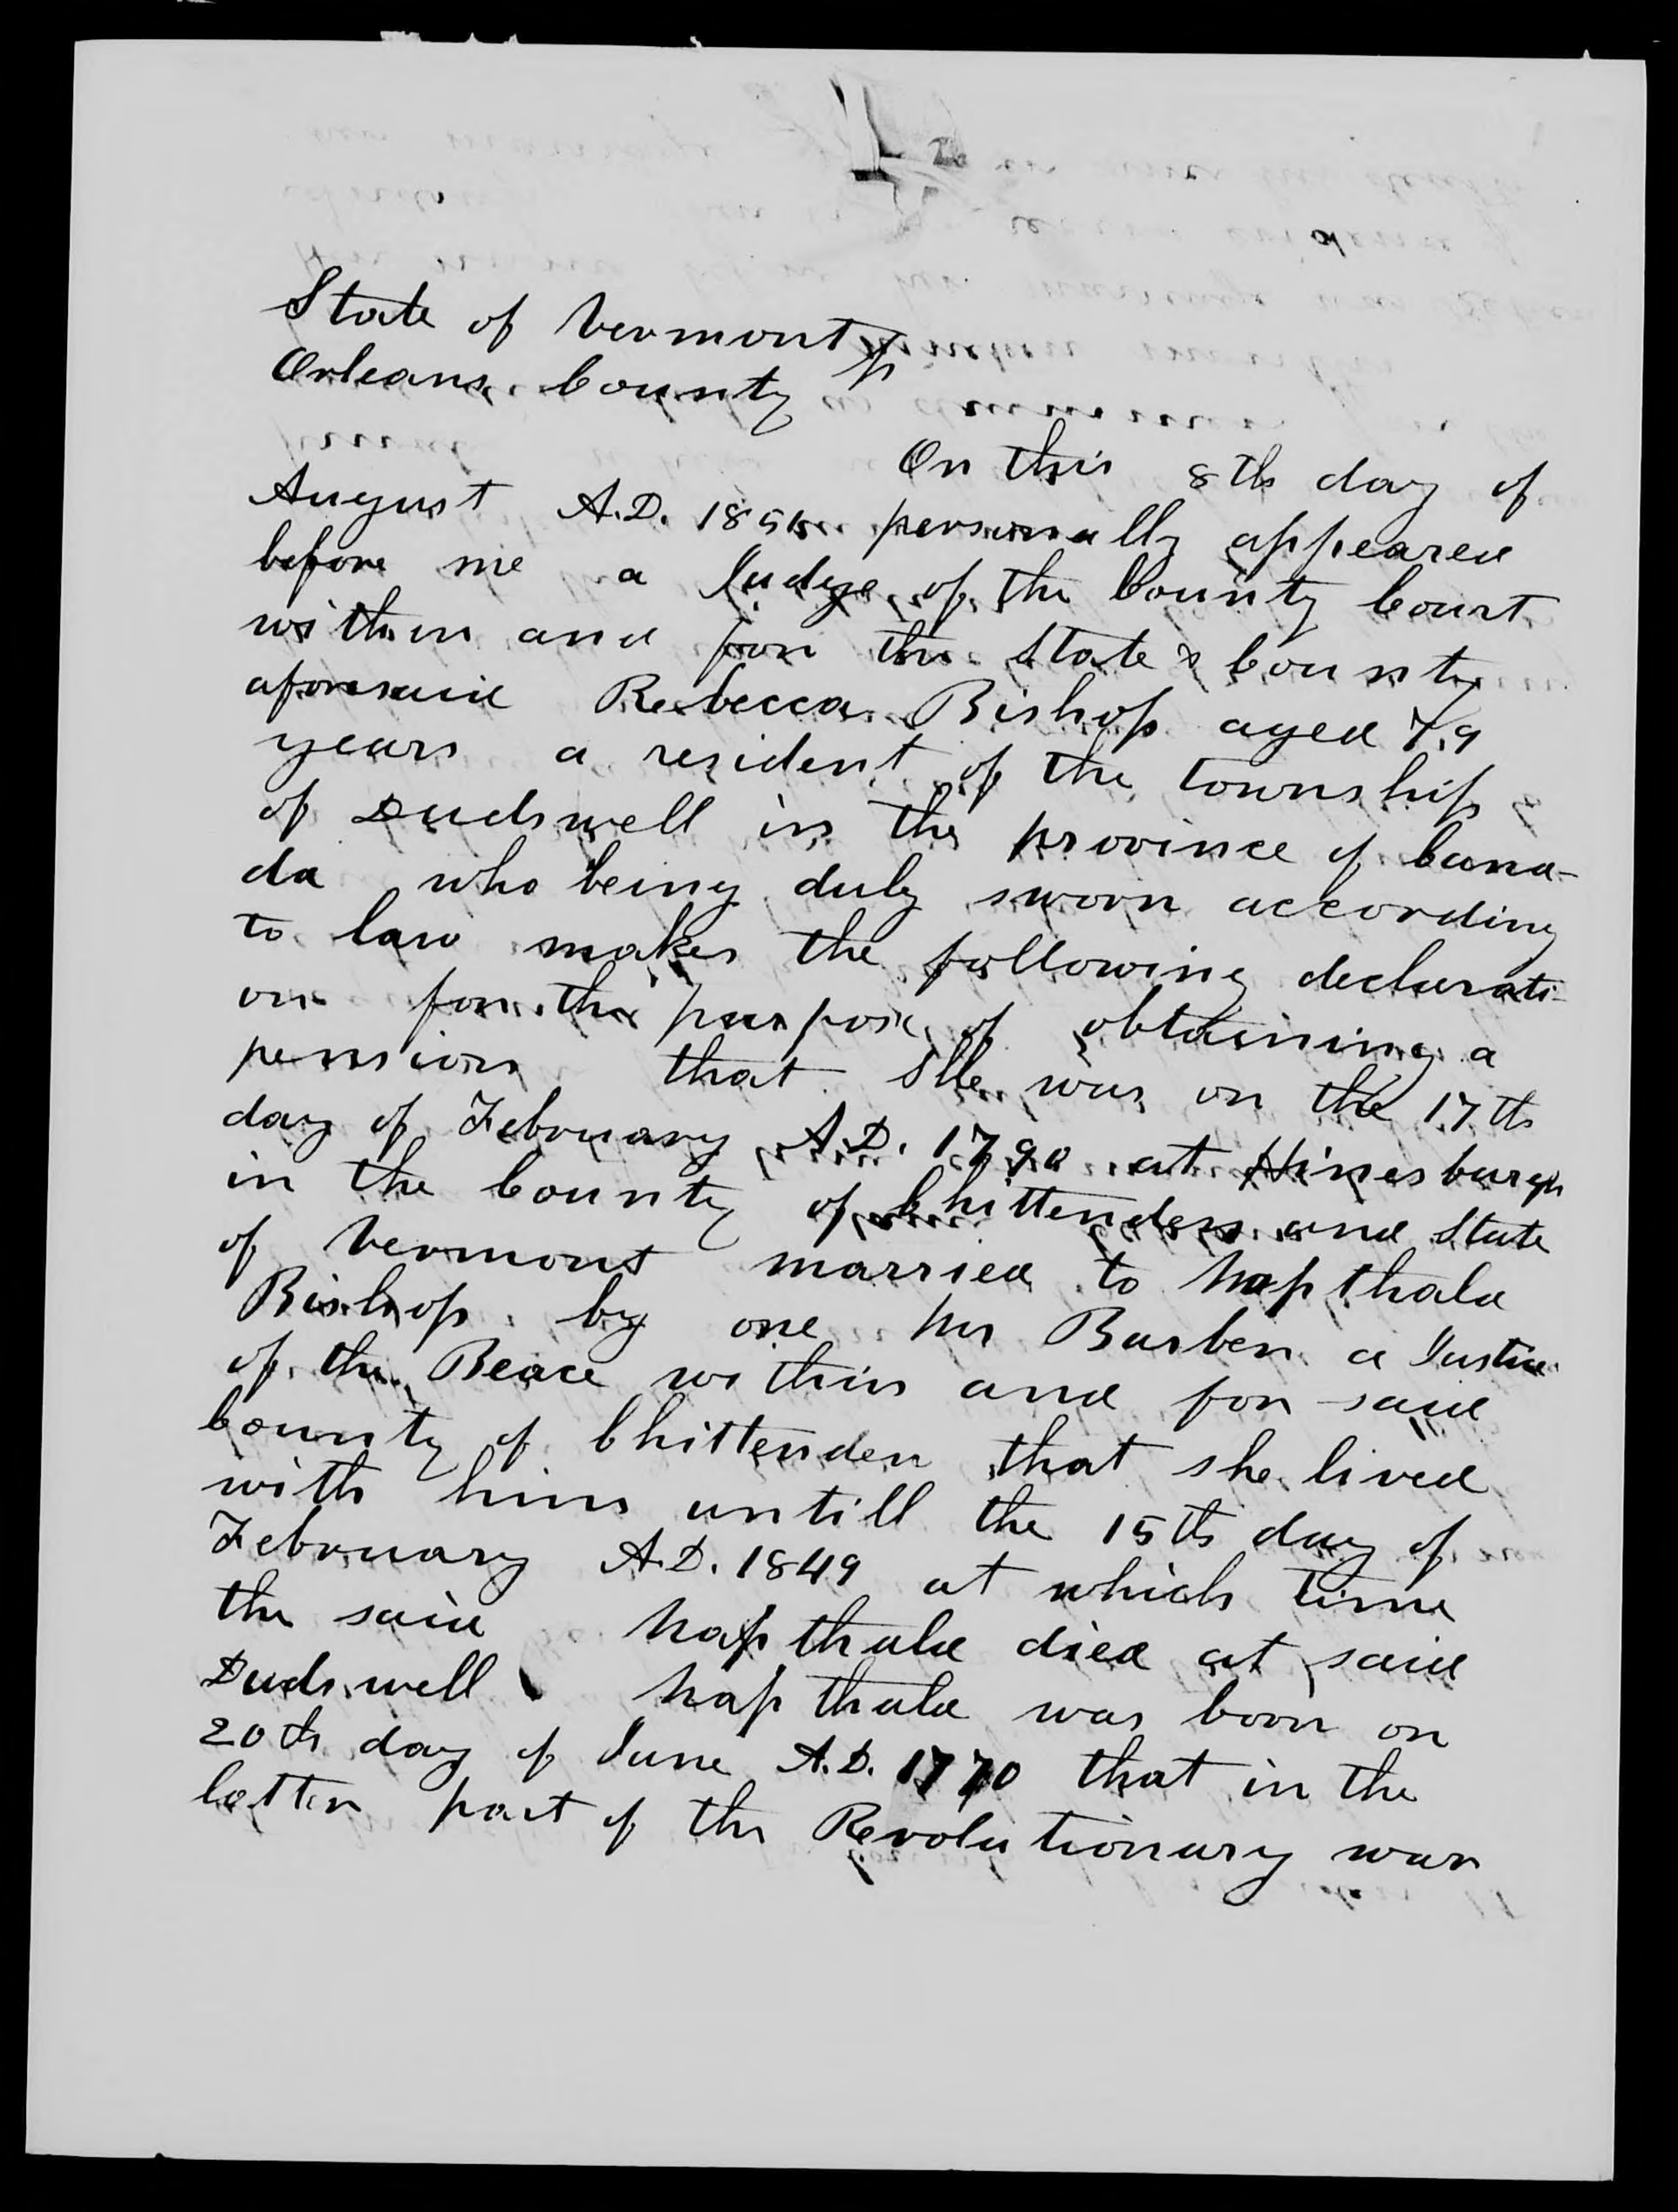State of Vermont
Orleans County
On this 8th day of August AD. 1851 personally appeared before me a Judge of the County Court within and for the State & County aforesaid Rebecca Bishop aged 79 years a resident of the township of Dudswell in the province of Canada who being duly sworn according to law makes the following declaration for the purpose of obtaining a pension that she was on the 17th day of February A.D. 1790 at Hinesburg in the County of Chittenden and State of Vermont married to Napthala Bishop by one Mr Burben a Justice of the Peace within and for said County of Chittenden that she lived with him untill the 15th day of February AD 1849 at which time the said Napthala died at said Dusdwell.  Napthala was born on 20th day of June A.D. 1770 that in the latter part of the Revolutionary war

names: Rebecca Bishop, Napthala Bishop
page: 2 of 27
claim: rejected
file: R. 865, Napthala Bishop, Vt.